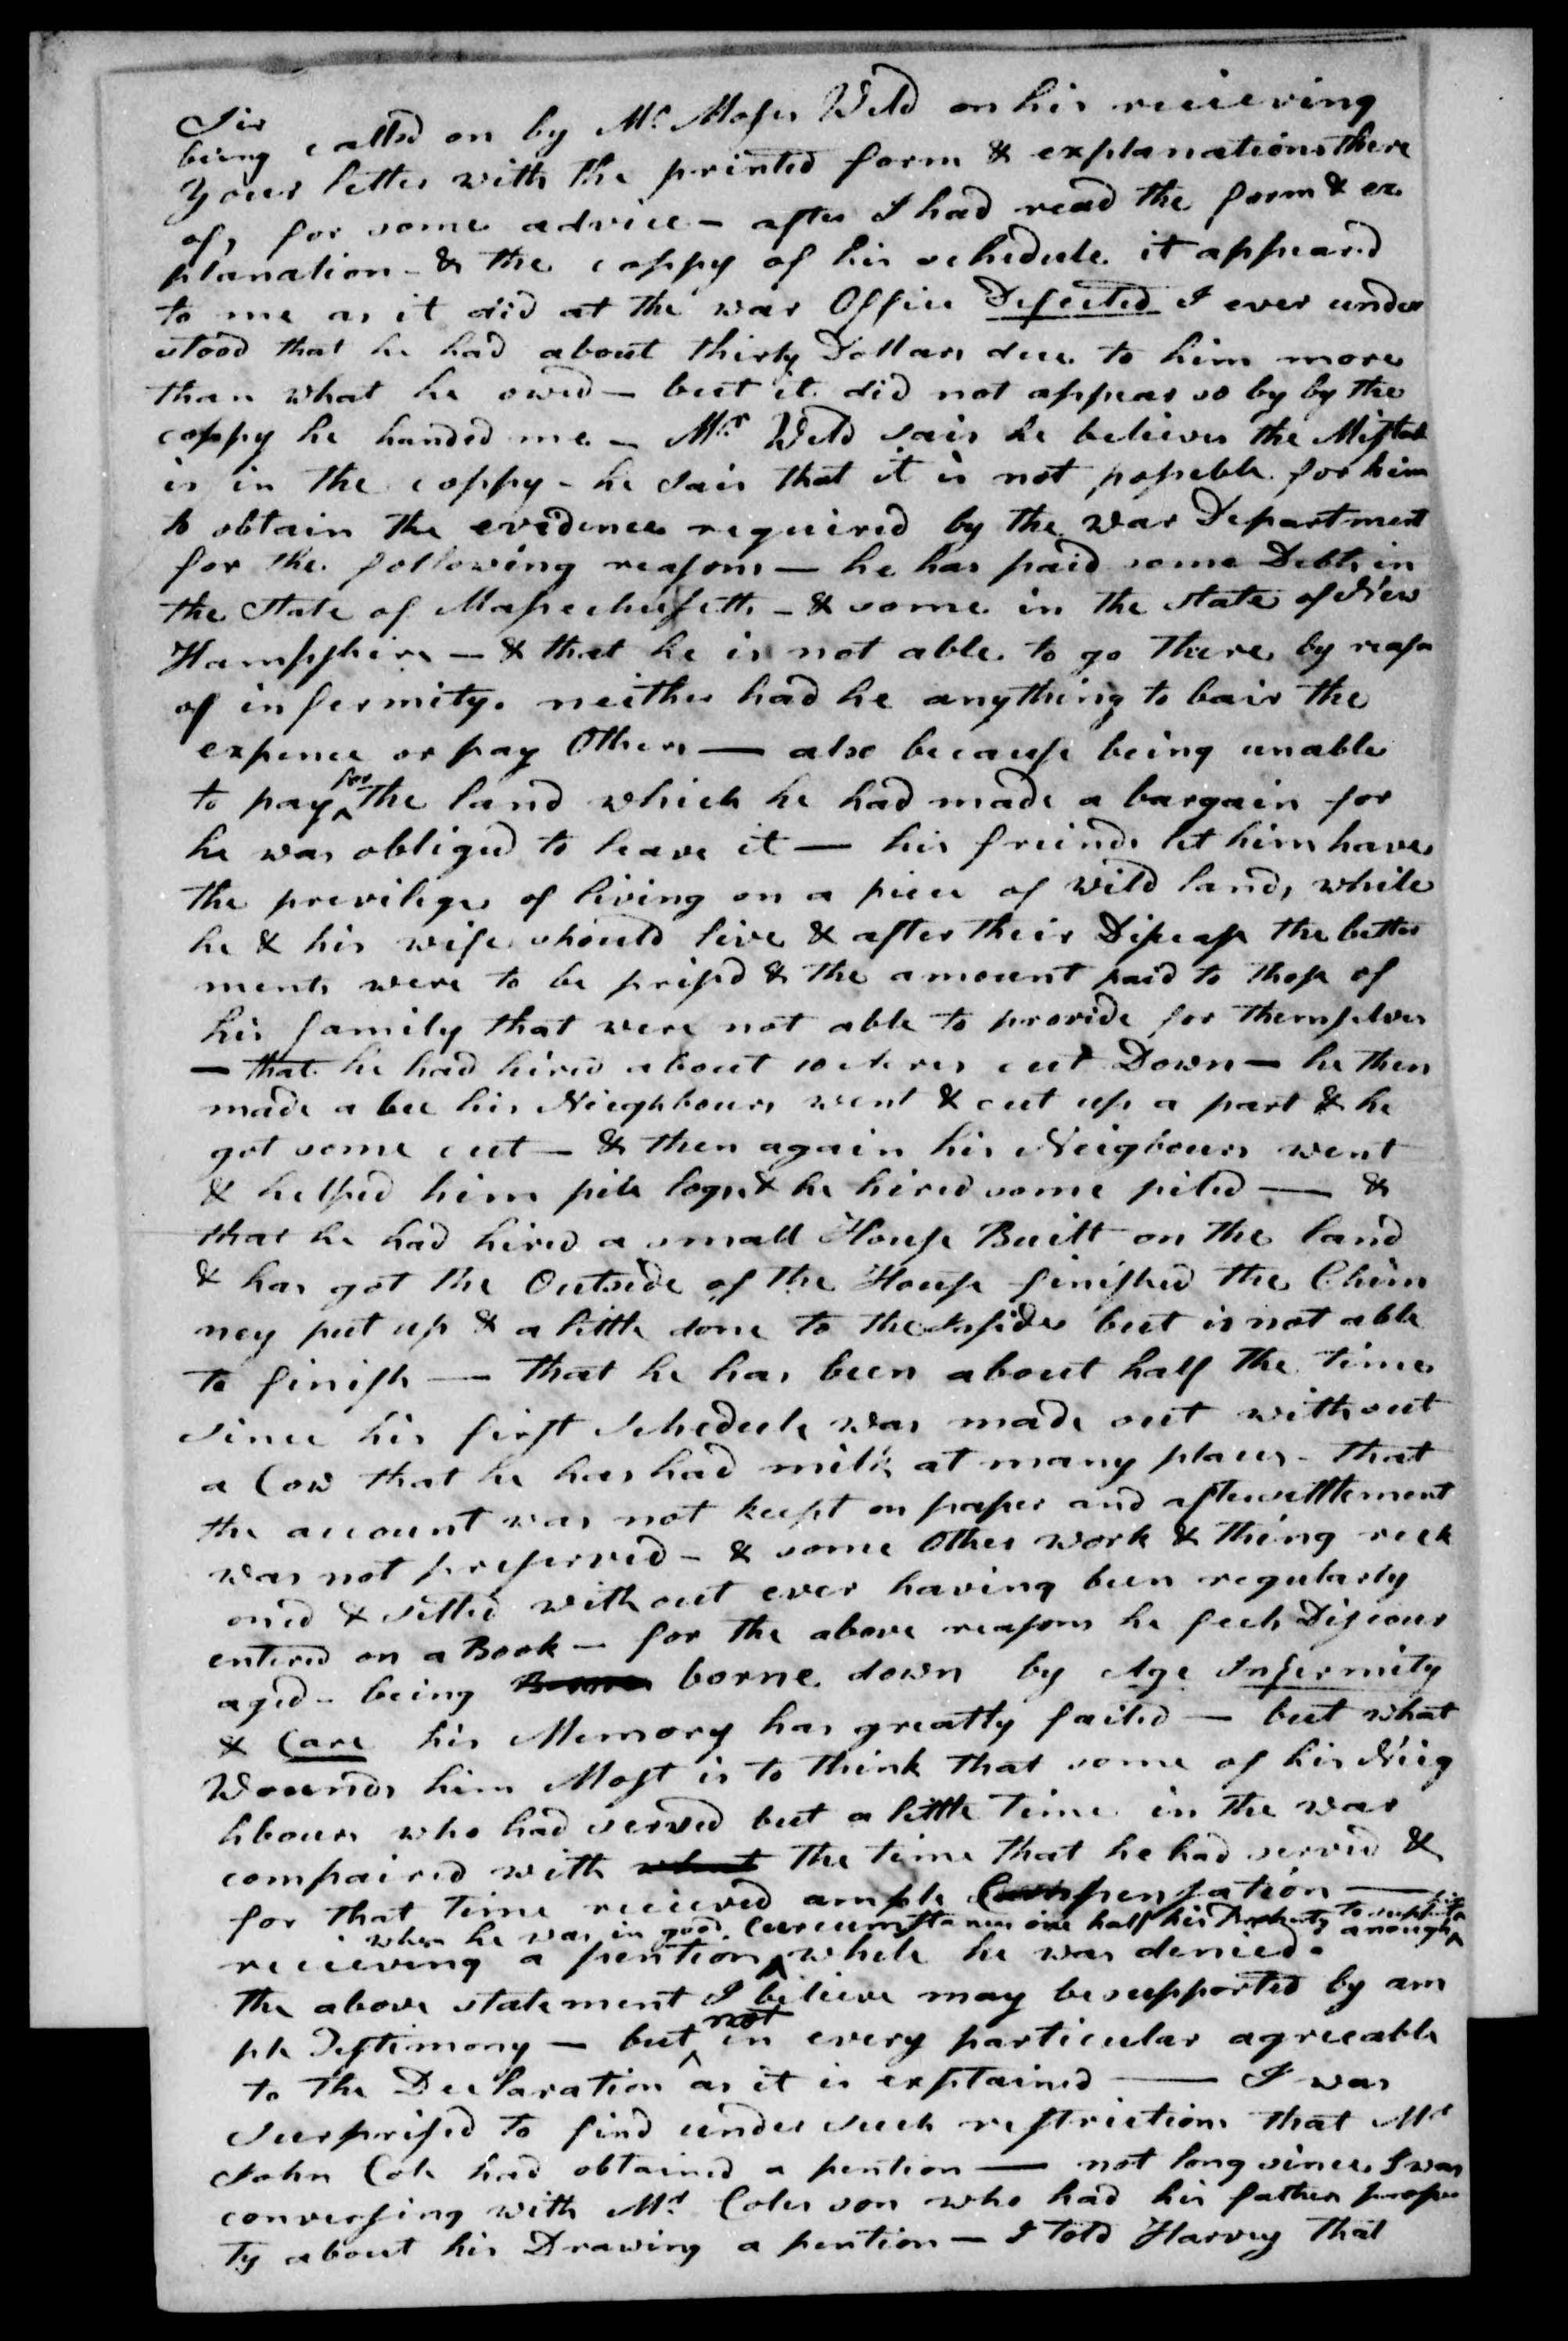I is[?]
being called on by Mr. Moses Weld on his receiving your letter with the printed form & explanation there of, for some advice - after I had read the form & explanation- & the coppy of his schedule it appeared to me as it did at the War Office Defected  I ever under
stood that he had about thirty dollars due to him more than what he owed- but it did not appear so by by the coppy he handed me -  Mr. Weld said he believes the Mistake[?]
is in the coppy- he said that it is not possible for him to obtain the evidence required by the War Department for the following reasons- he has paid some Debt in the State of Massachusetts- & some in the State of New
Hampshire & that he is not able to go there by reason of infirmity. neither had he anything to bair the expense or pay others- also because being unable to pay the land which he had made a bargain for he was obliged to leave it-- his friends let him have the privilege of living in a piece of wild land, while he & his wife should live & after their Depeap[decease?] the betterments, were to be prised & the amount paid to those of his family that were not able to provide for themselves - that he had hired about 10 acres cut down-- he then made a bee his Neighbours went & cut up a part & he got some cut - & then again his Neighbours went & helped him pile logs & he hired some piled - & that he had hired a small House Built on the land & has got the outside of the House finished the chimney put up & a little done to the inside but is not able to finish- that he has been about half the time since his first Schedule was made out without a Cow that he has had milk at many places-  that the
account was not kept on paper and after settlement was not preserved- & some other work & thing reckoned and sitted without ever having been regularly entered on a Book- for the above reasons he feels discouraged-  being borne down by Age Infirmity
& Care his memory has greatly failed-- but what wounds him Most is to think that some of his Neighbours who had served but a little time in the war compared with what the time that he had served & for that time received ample compensation- receiving a pension ^when he was in poor circumstances [?] one half his property to support [?] enough [?] which he was denied.
The above statement I believe may be supported by ample Testimony but ^not in every particular agreeable to the Declaration as it is explained -   I was
surprised to find under such restriction that Mr
John Cole and obtained a pension- not long since I was conversing with Mr Cole's son who had his father property about his drawing a pension-  I told Harvey that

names: Harvey, Moses Weld, John Cole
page: 43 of 87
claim: widow's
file: W. 25,966, Moses Weld, Mass.